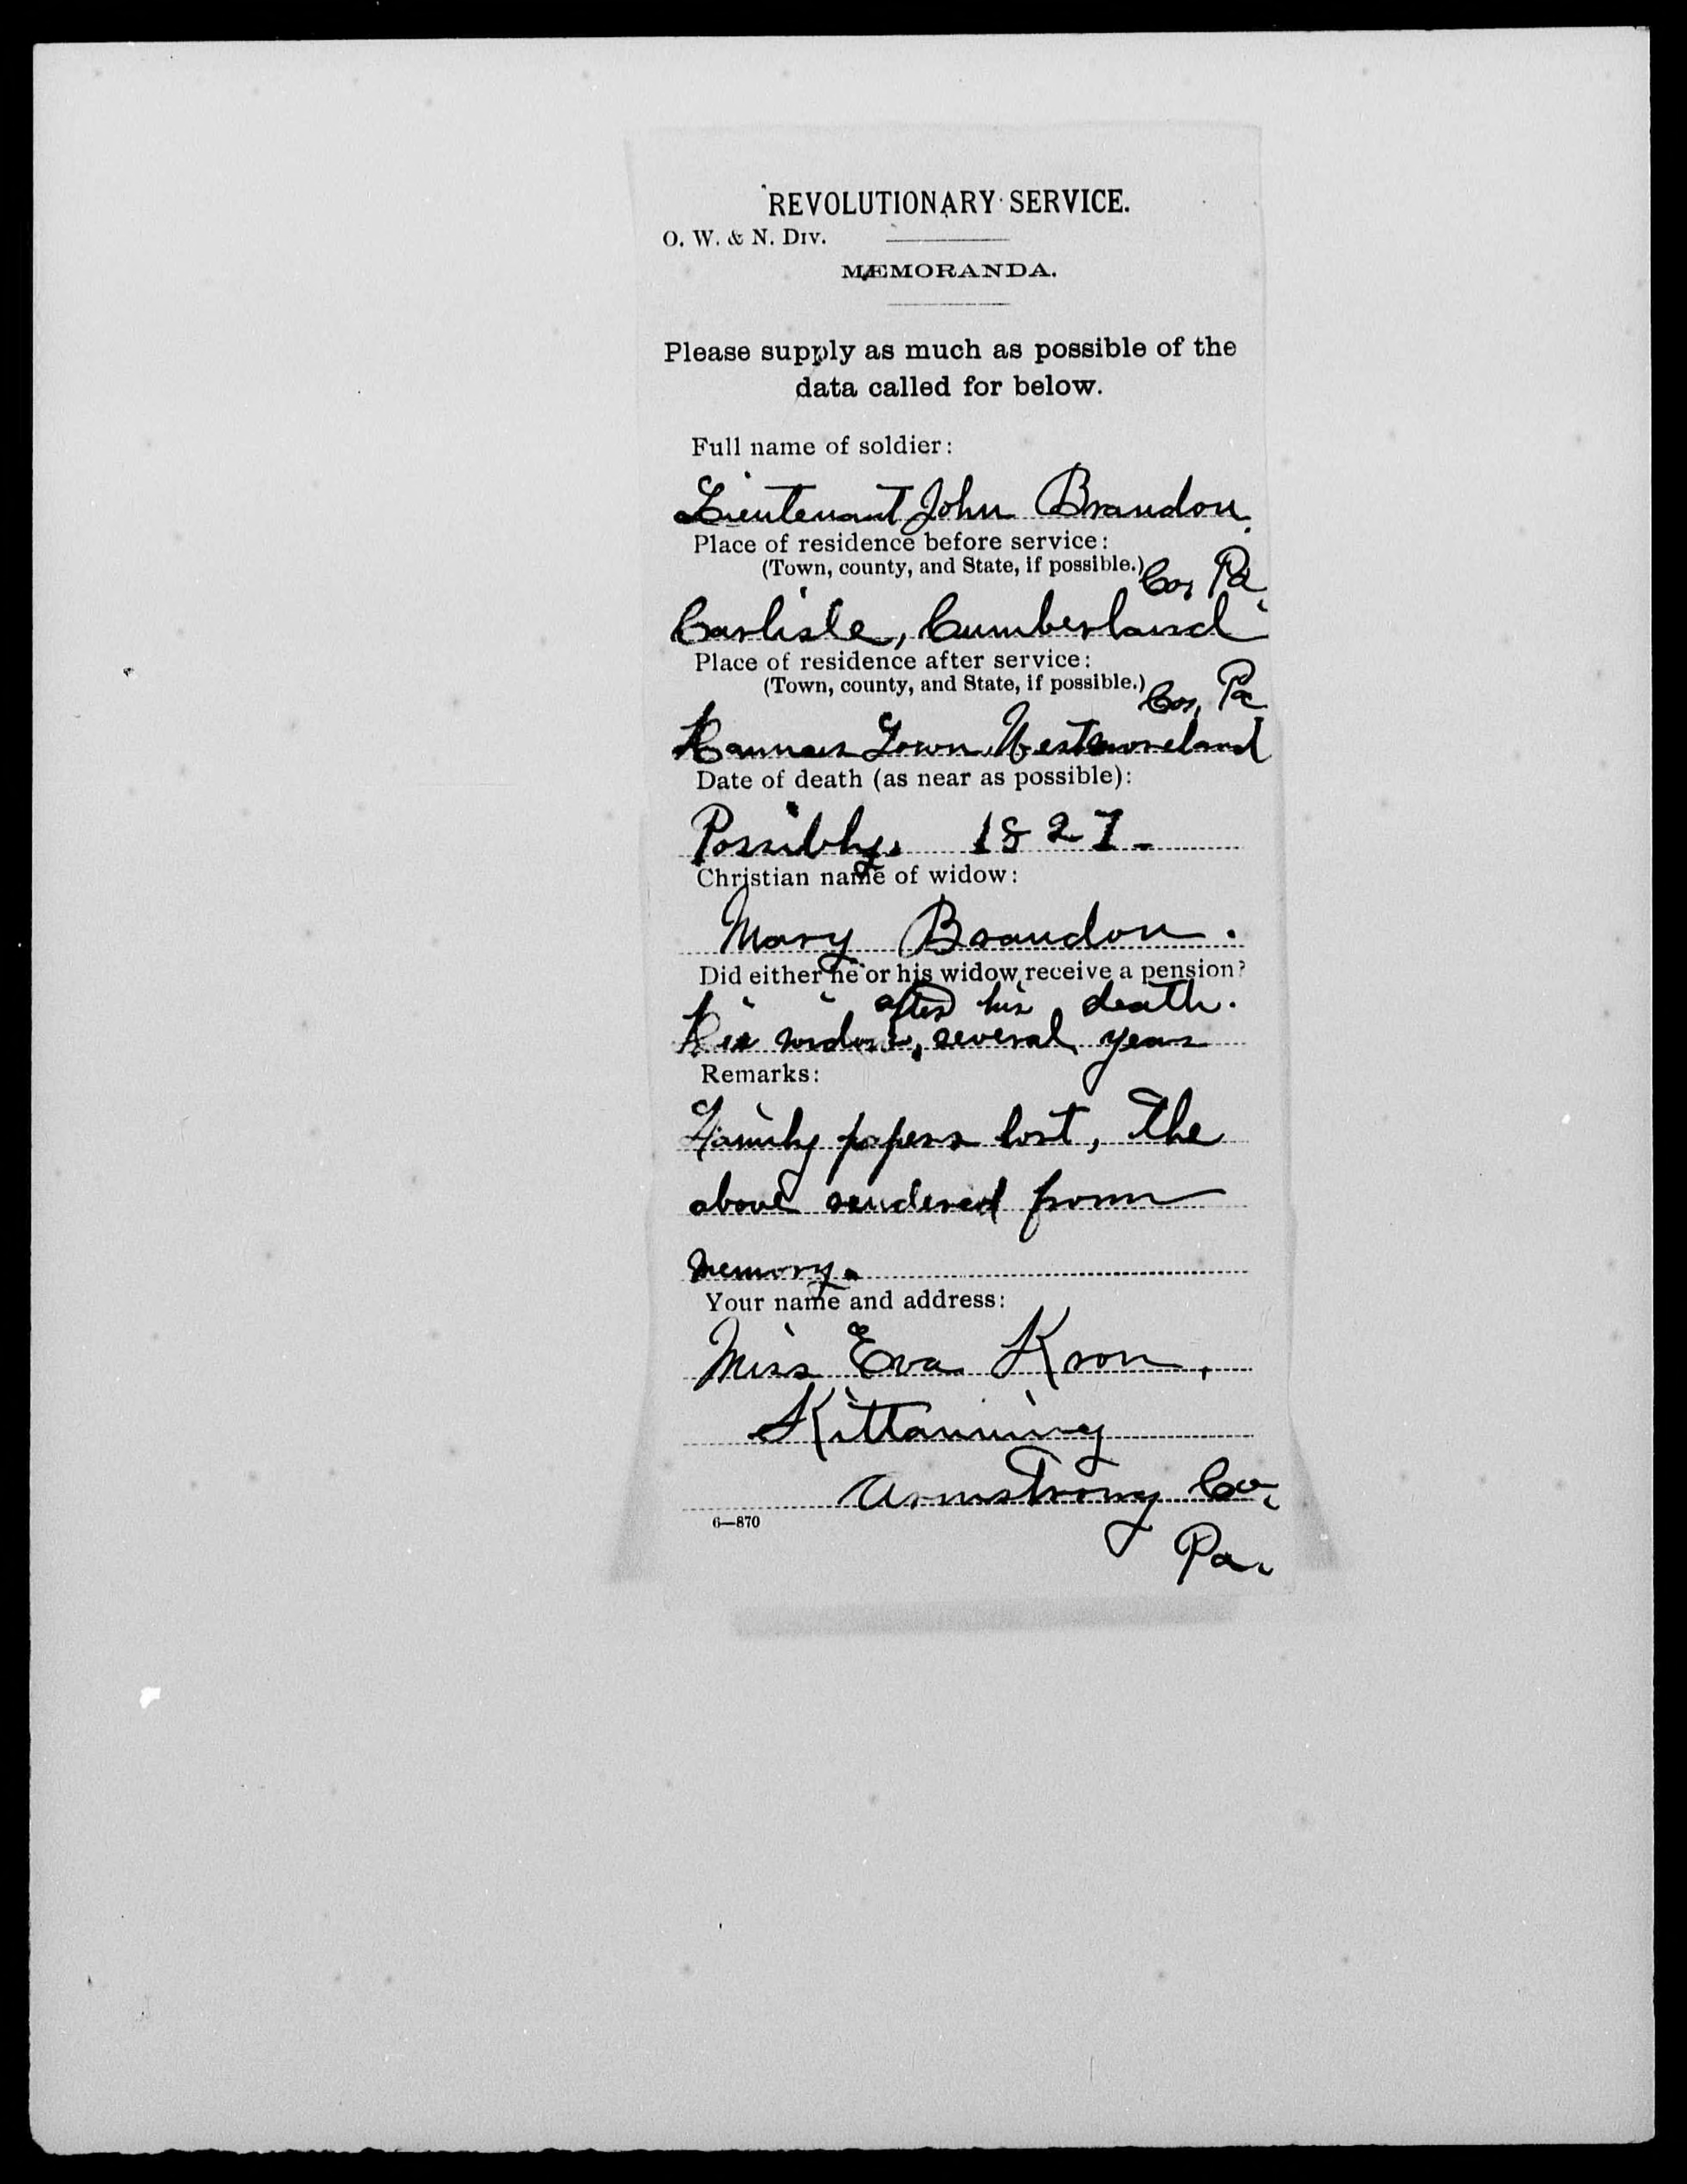REVOLUTIONARY SERVICE.
O. W. & N. Div.
-
MEMORANDA.
-
Please supply as much as possible of the data called for below.

Full name of soldier:
Lieutenant John Brandon
Place of residence before service:
(Town, county, and State, if possible.)
Carlisle, Cumberland Co. Pa.
Place of residence after service:
(Town, county, and State, if possible.)
Hanna's Town, Westmoreland Co. Pa.
Date of death (as near as possible):
Possibly 1827.
Christian name of widow:
Mary Brandon.
Did either he or his widow receive a pension?
after his death.
His widow, several years
Remarks:
Family papers lost, the above rendered from memory.
Your name and address:
Miss Eva Kron,
Kittanning
Armstrong Co. Pa.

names: Eva Kron, John Brandon, Mary Brandon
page: 69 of 83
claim: widow's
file: W. 5946, John Brandon, Penn